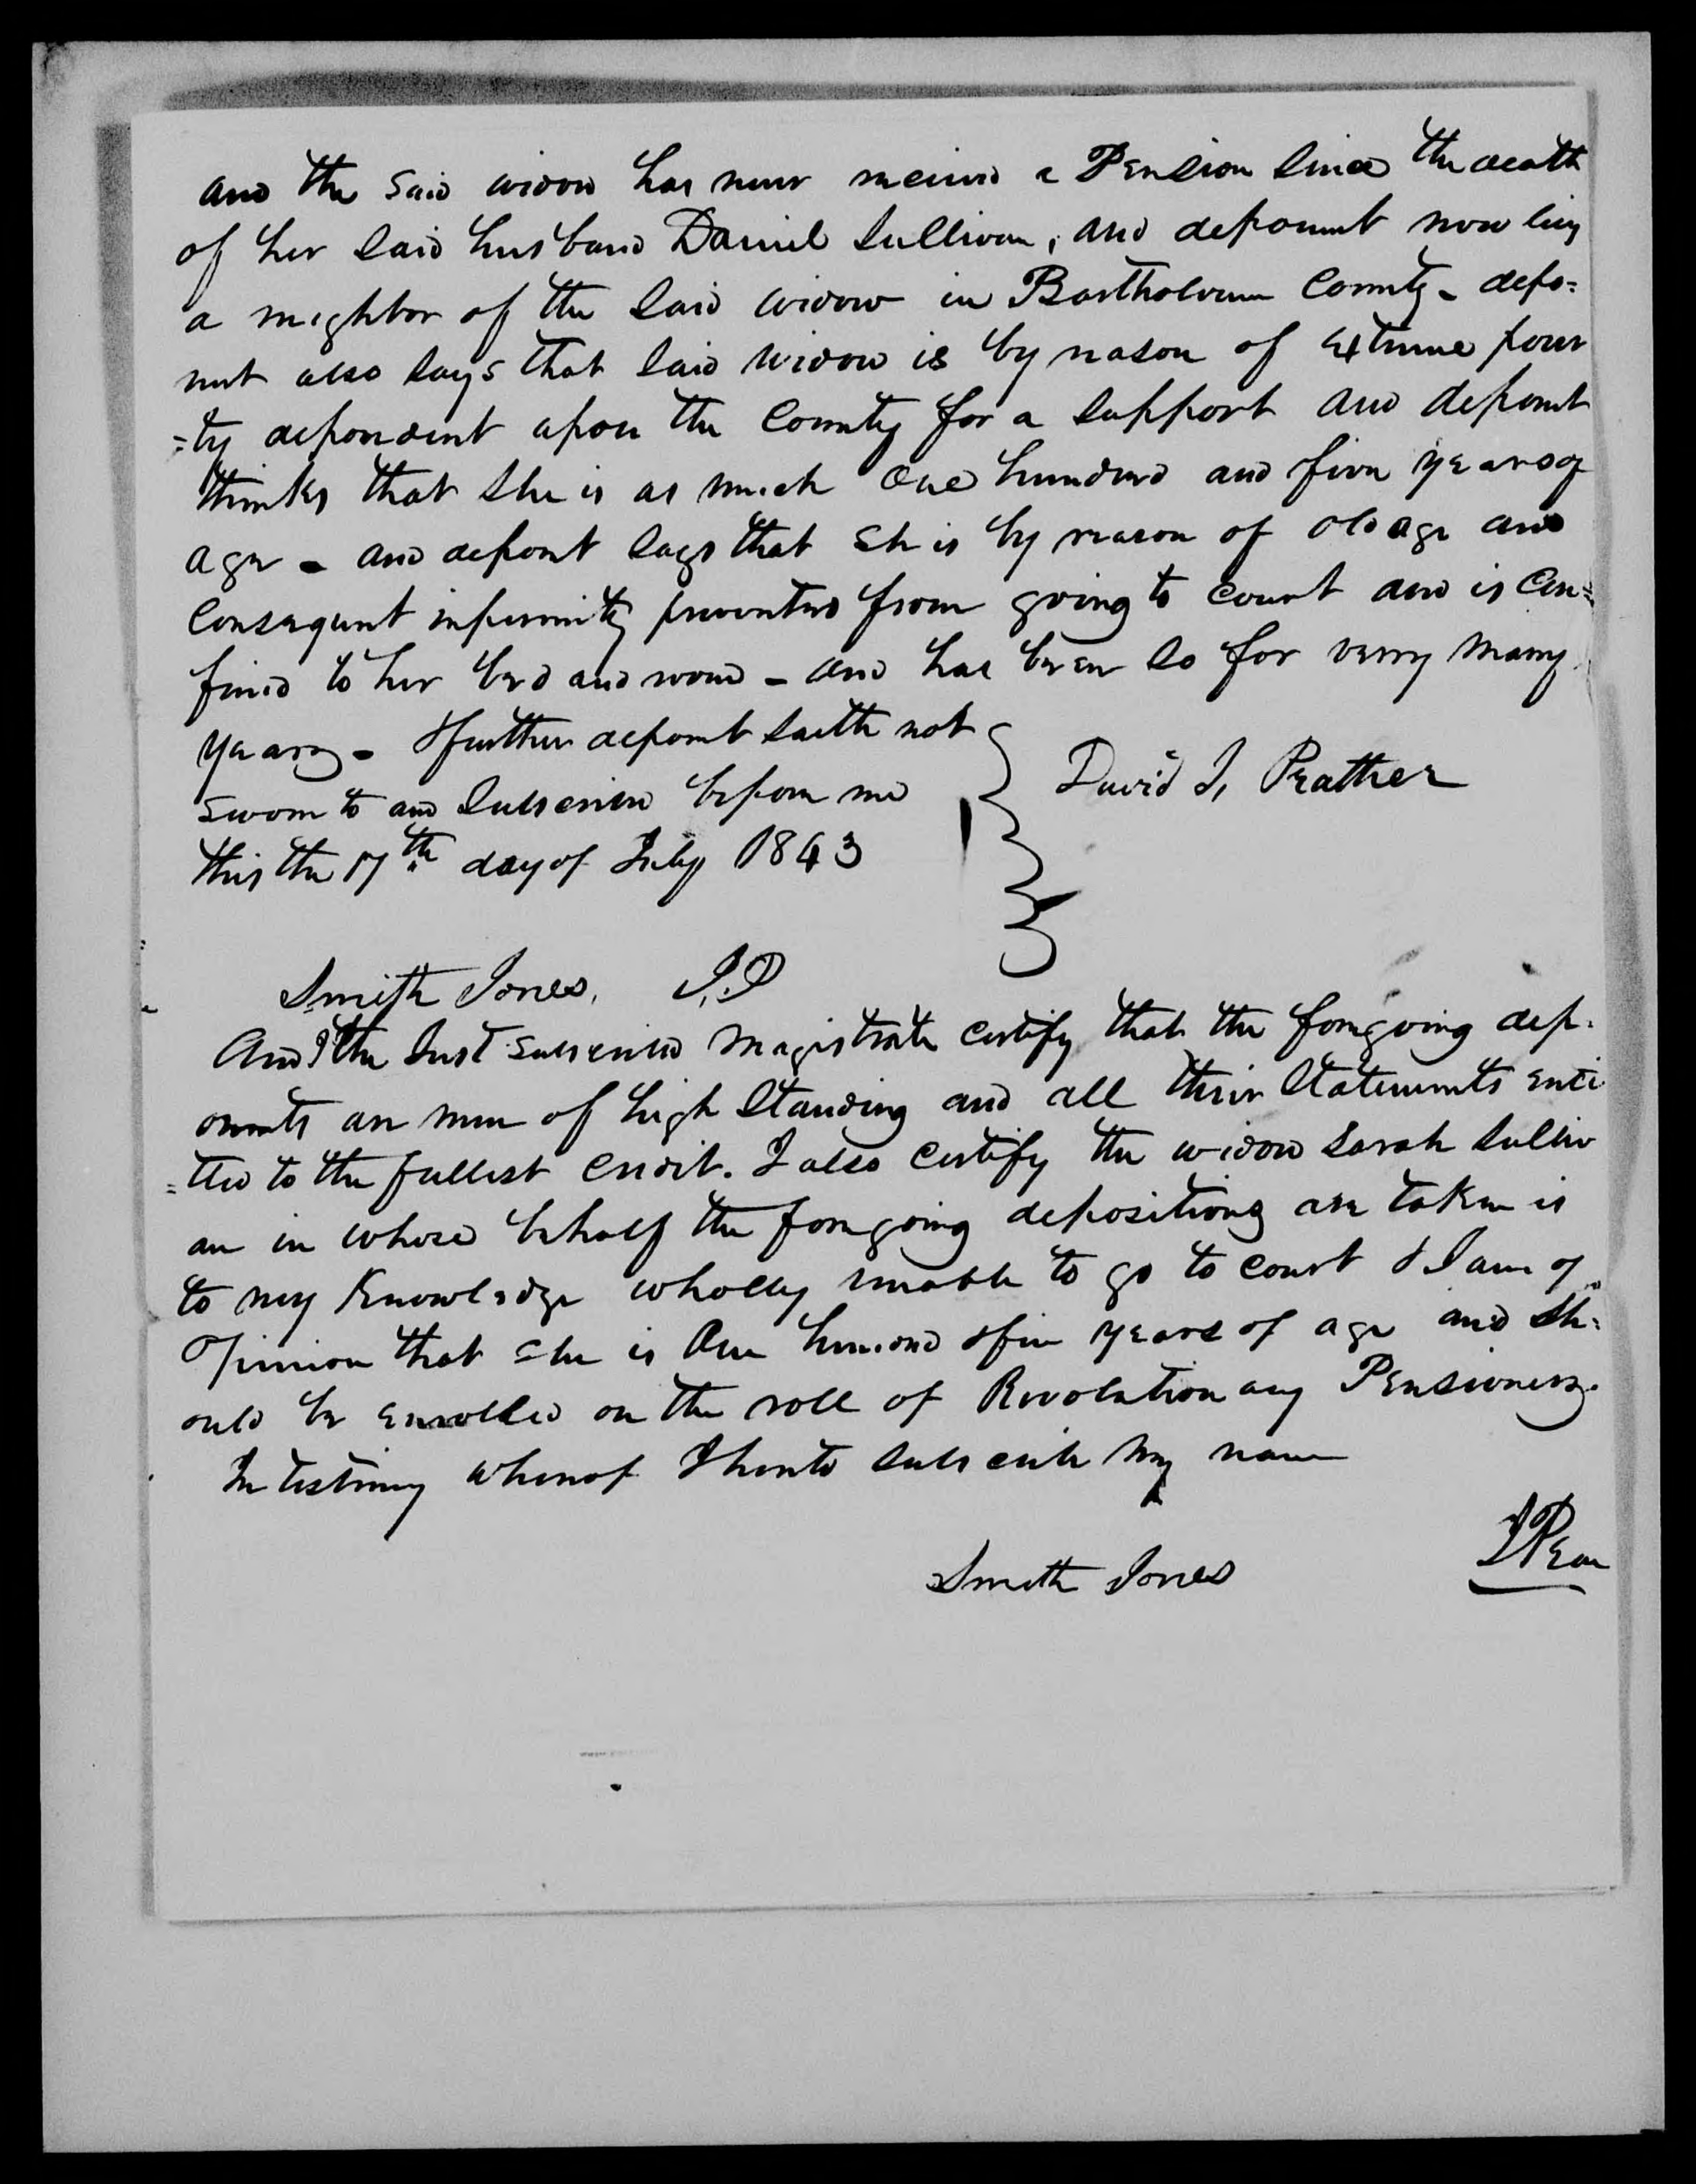and the said widow has never received a Pension since the death of her said husband Daniel Sullivan, and deponent now being a neighbor of the said widow in Bartholomew County deponent also says that said widow is by reason of extreme poverty dependent upon the County for a support and deponent thinks that she is as much one hundred and five years of age and deponent says that she is by reason of old age and consequent infirmity prevented from going to Court and is confined to her bed and  room - And has been so for very many years - & further deponent saith not
[signed] David J. Prather
Sworn to and subscribed before me this the 17th day of July 1843
[signed]Smith Jones, J.P

And the just subscribed magistrate certify that the foregoing deponents an man of high standing and all their statements entitled to the fullest credit. I also certify the widow Sarah Sullivan in whose behalf the foregoing depositions are taken is to my knowledge wholly unable to go to Court & I am of opinion that she is one hundred & five years of age and should be enrolled on the roll of Revolutionary Pensioners
In testimony whereof I hereto subscribe my name
[signed] Smith Jones JPeace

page: 27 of 78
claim: widow's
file: W. 25,169, for Daniel Sullivan, Maryland